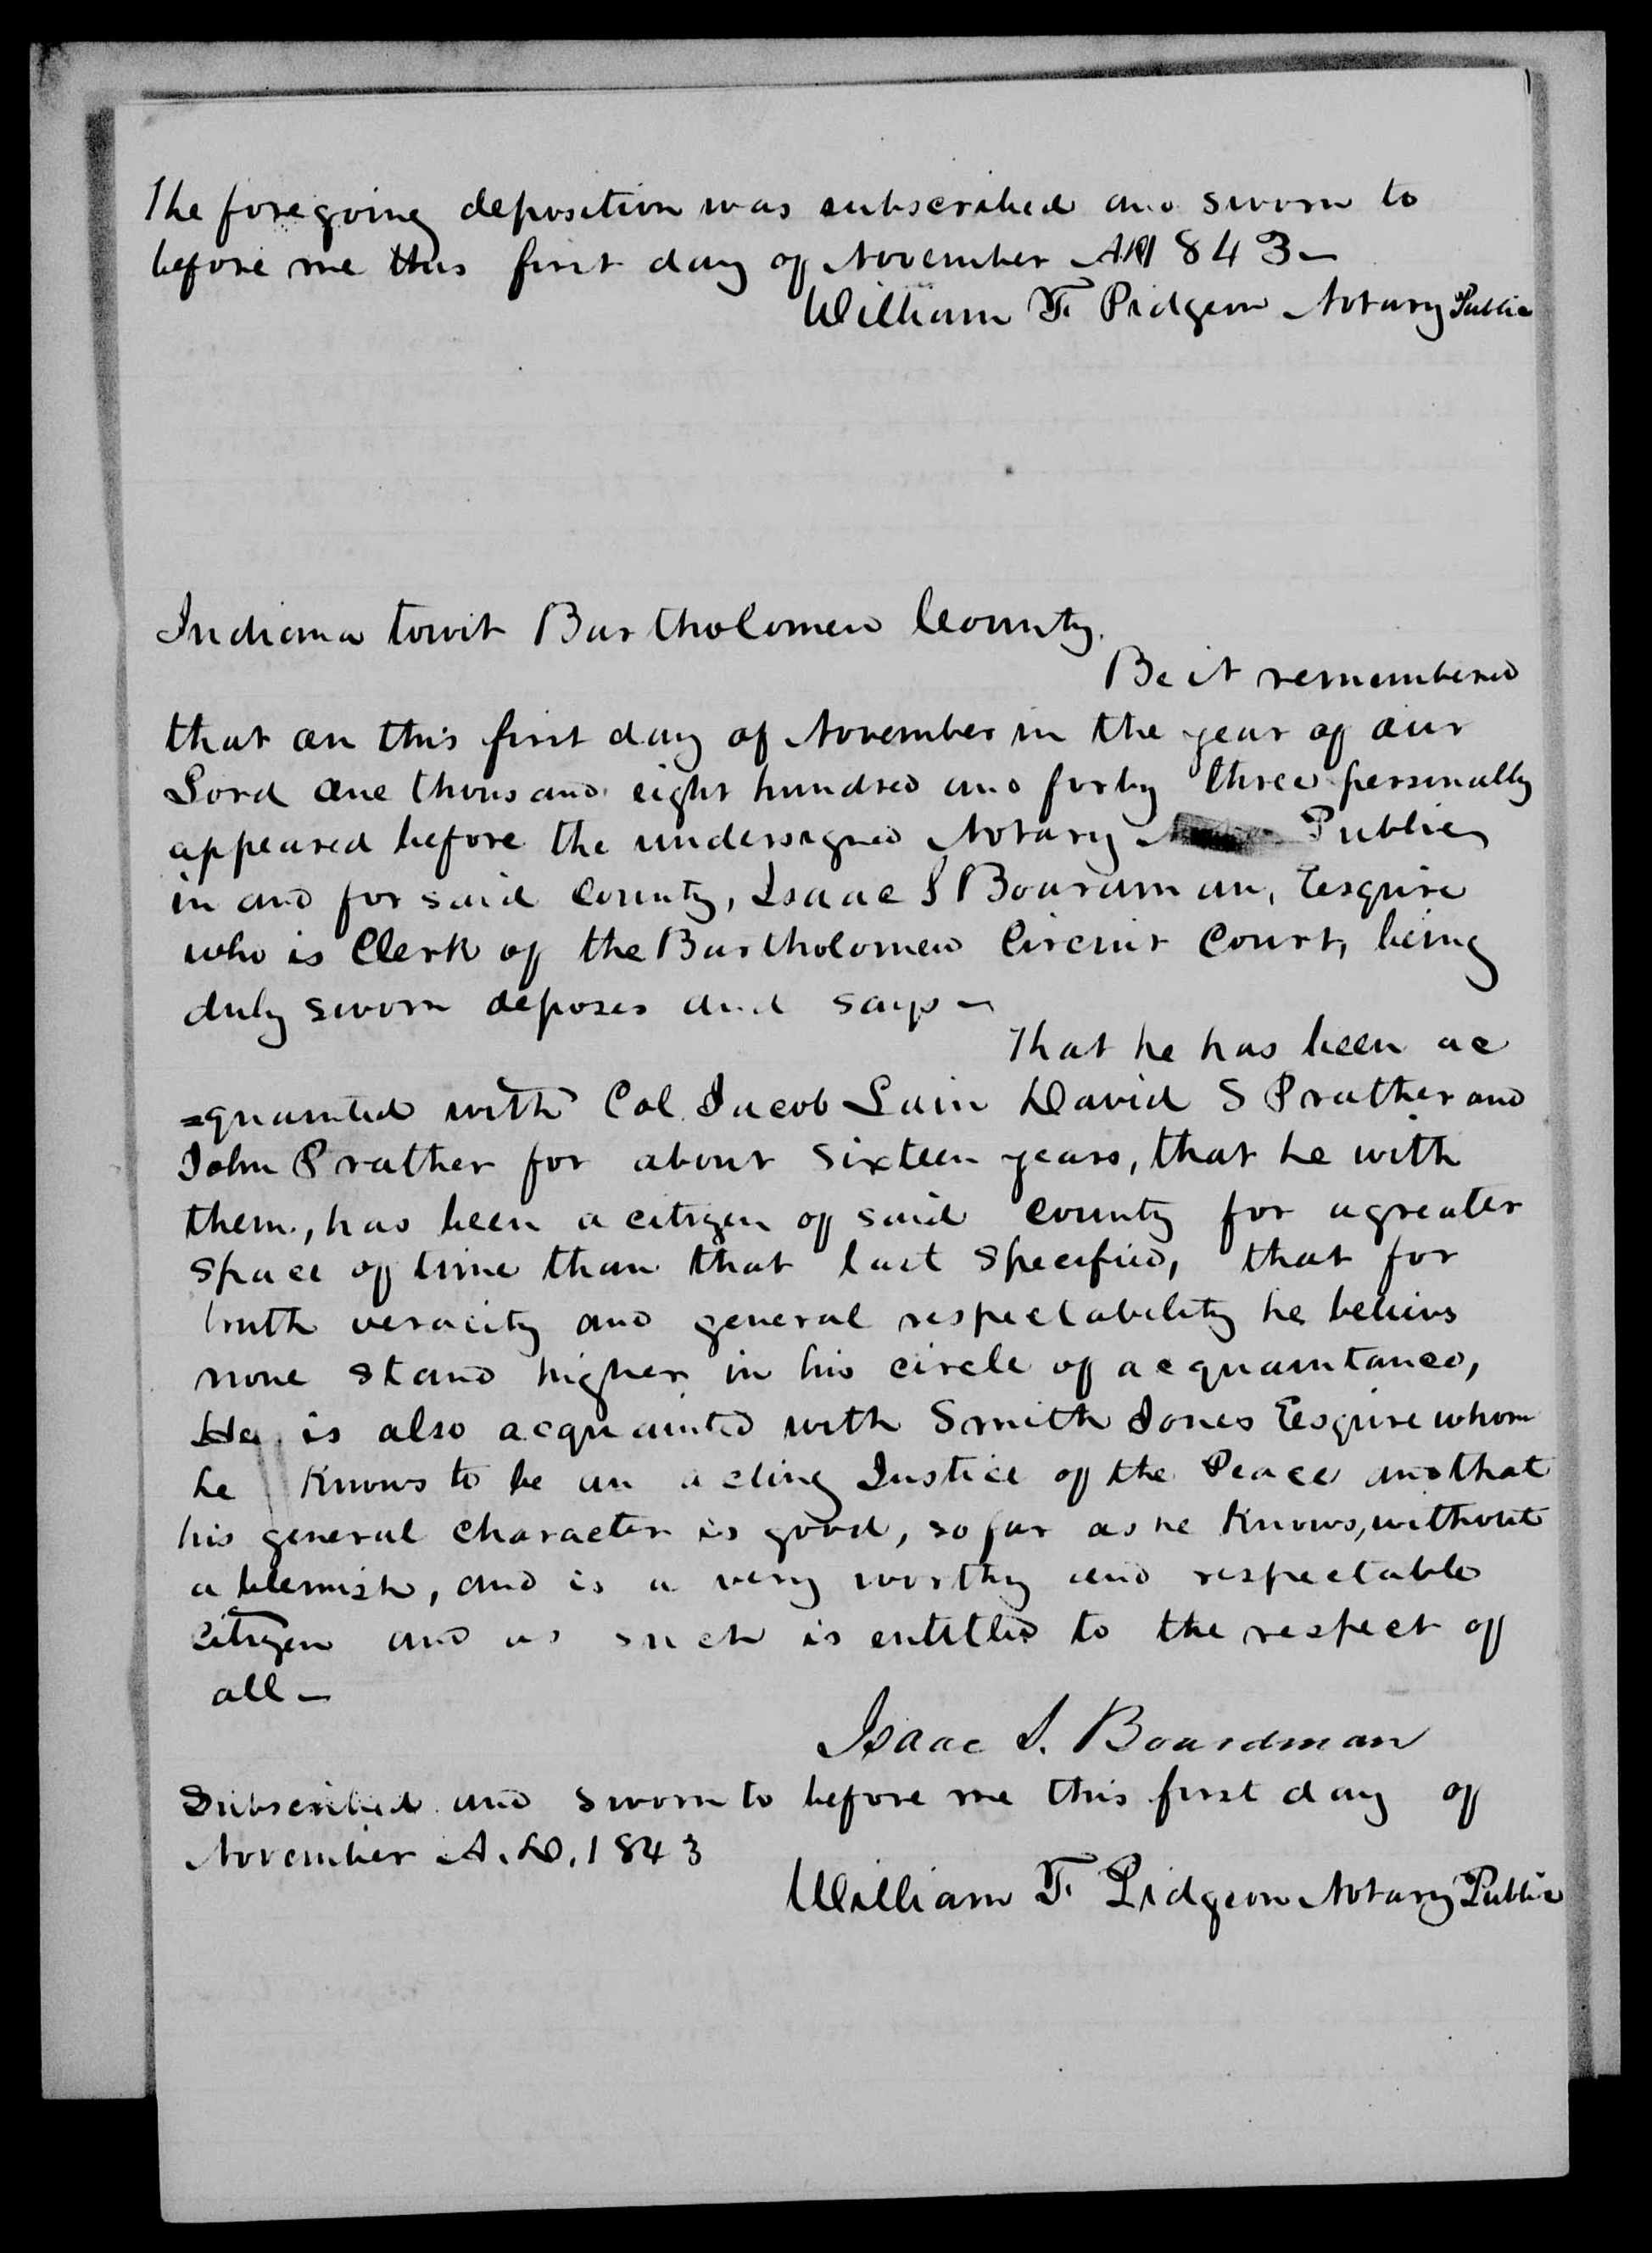the foregoing deposition was subscribed and sworn to before me this first day of November
A. D. 1843-
[signed] William T. Pidgeon Notary Public

Indiana Towit Bartholomew County.
Be it remembered that on this first day of November in the year of our Lord one thousand eight hundred and forty three personally appeared before the undersigned Notary Public in and for said County, Isaac S Boardman, Esquire who is Clerk of the Bartholomew Circuit Court, being duly sworn deposes and says-
That he has been acquainted with Col. Jacob Sain David S Prather and John Prather for about sixteen years, that he with them, has been a citizen of said County for a greater space of time than that last specified, that for truth veracity and general respectability he believes none stand higher in his circle of acquaintance.
He is also acquainted with Smith Jones Esquire whom he knows to be an acting Justice of the Peace and that his general character is good, so far as he knows, without a blemish, and is a very worthy and respectable Citizen and as such is entitled to the respect of all -
[signed] Isaac S. Boardman

Subscribed and sworn to before me this first day of November A.D. 1843
[signed] William T. Pidgeon Notary Public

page: 30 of 78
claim: widow's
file: W. 25,169, for Daniel Sullivan, Maryland